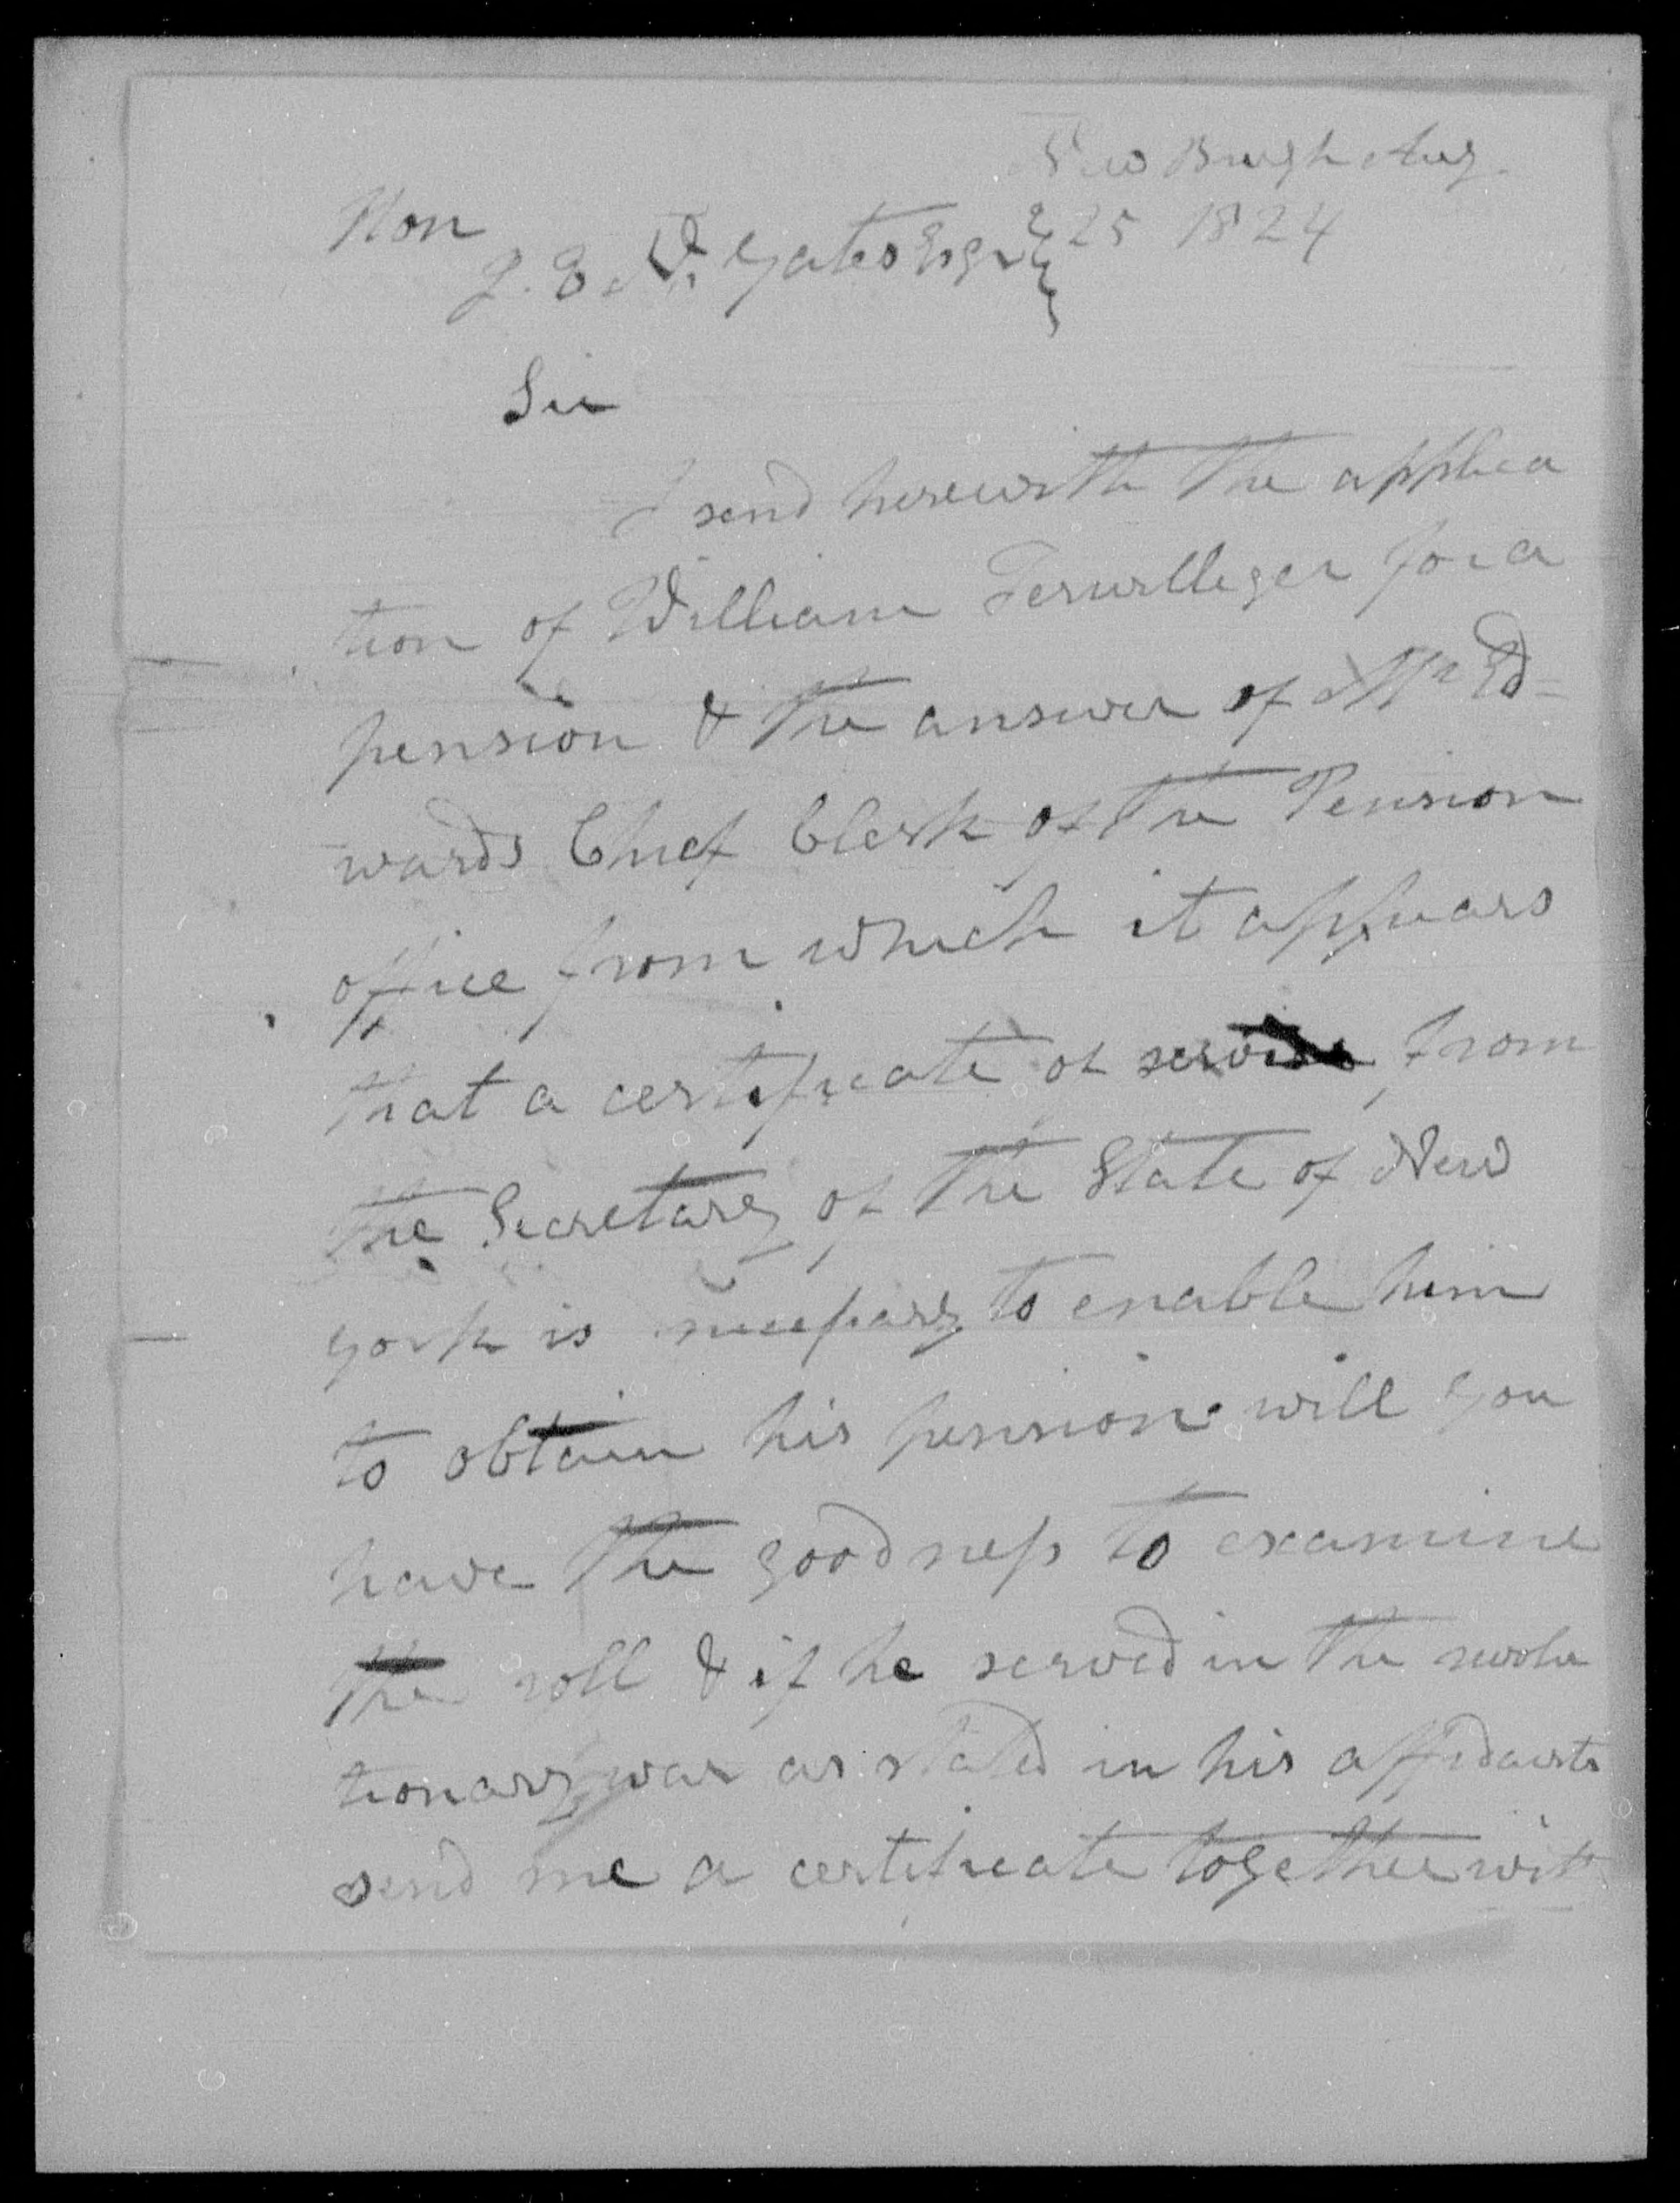New Burgh Aug 25 1824

Hon J.G Q Yates Esq

Sir
I send herewith the application of William Terwilliger for
pension & the answer of
Mr Edwards Chief Clerk of the Pension
office from which it appears
that a certificate of and from
the Secretary of the State of New York
is necessary to enable him
to obtain his pension will you
have the goodness to examine
the roll & it he served in the revolutionary war as stated in his affidavits
send me a certificate together with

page: 41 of 64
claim: survivor's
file: S. 42,464, for William Terwilliger, New York